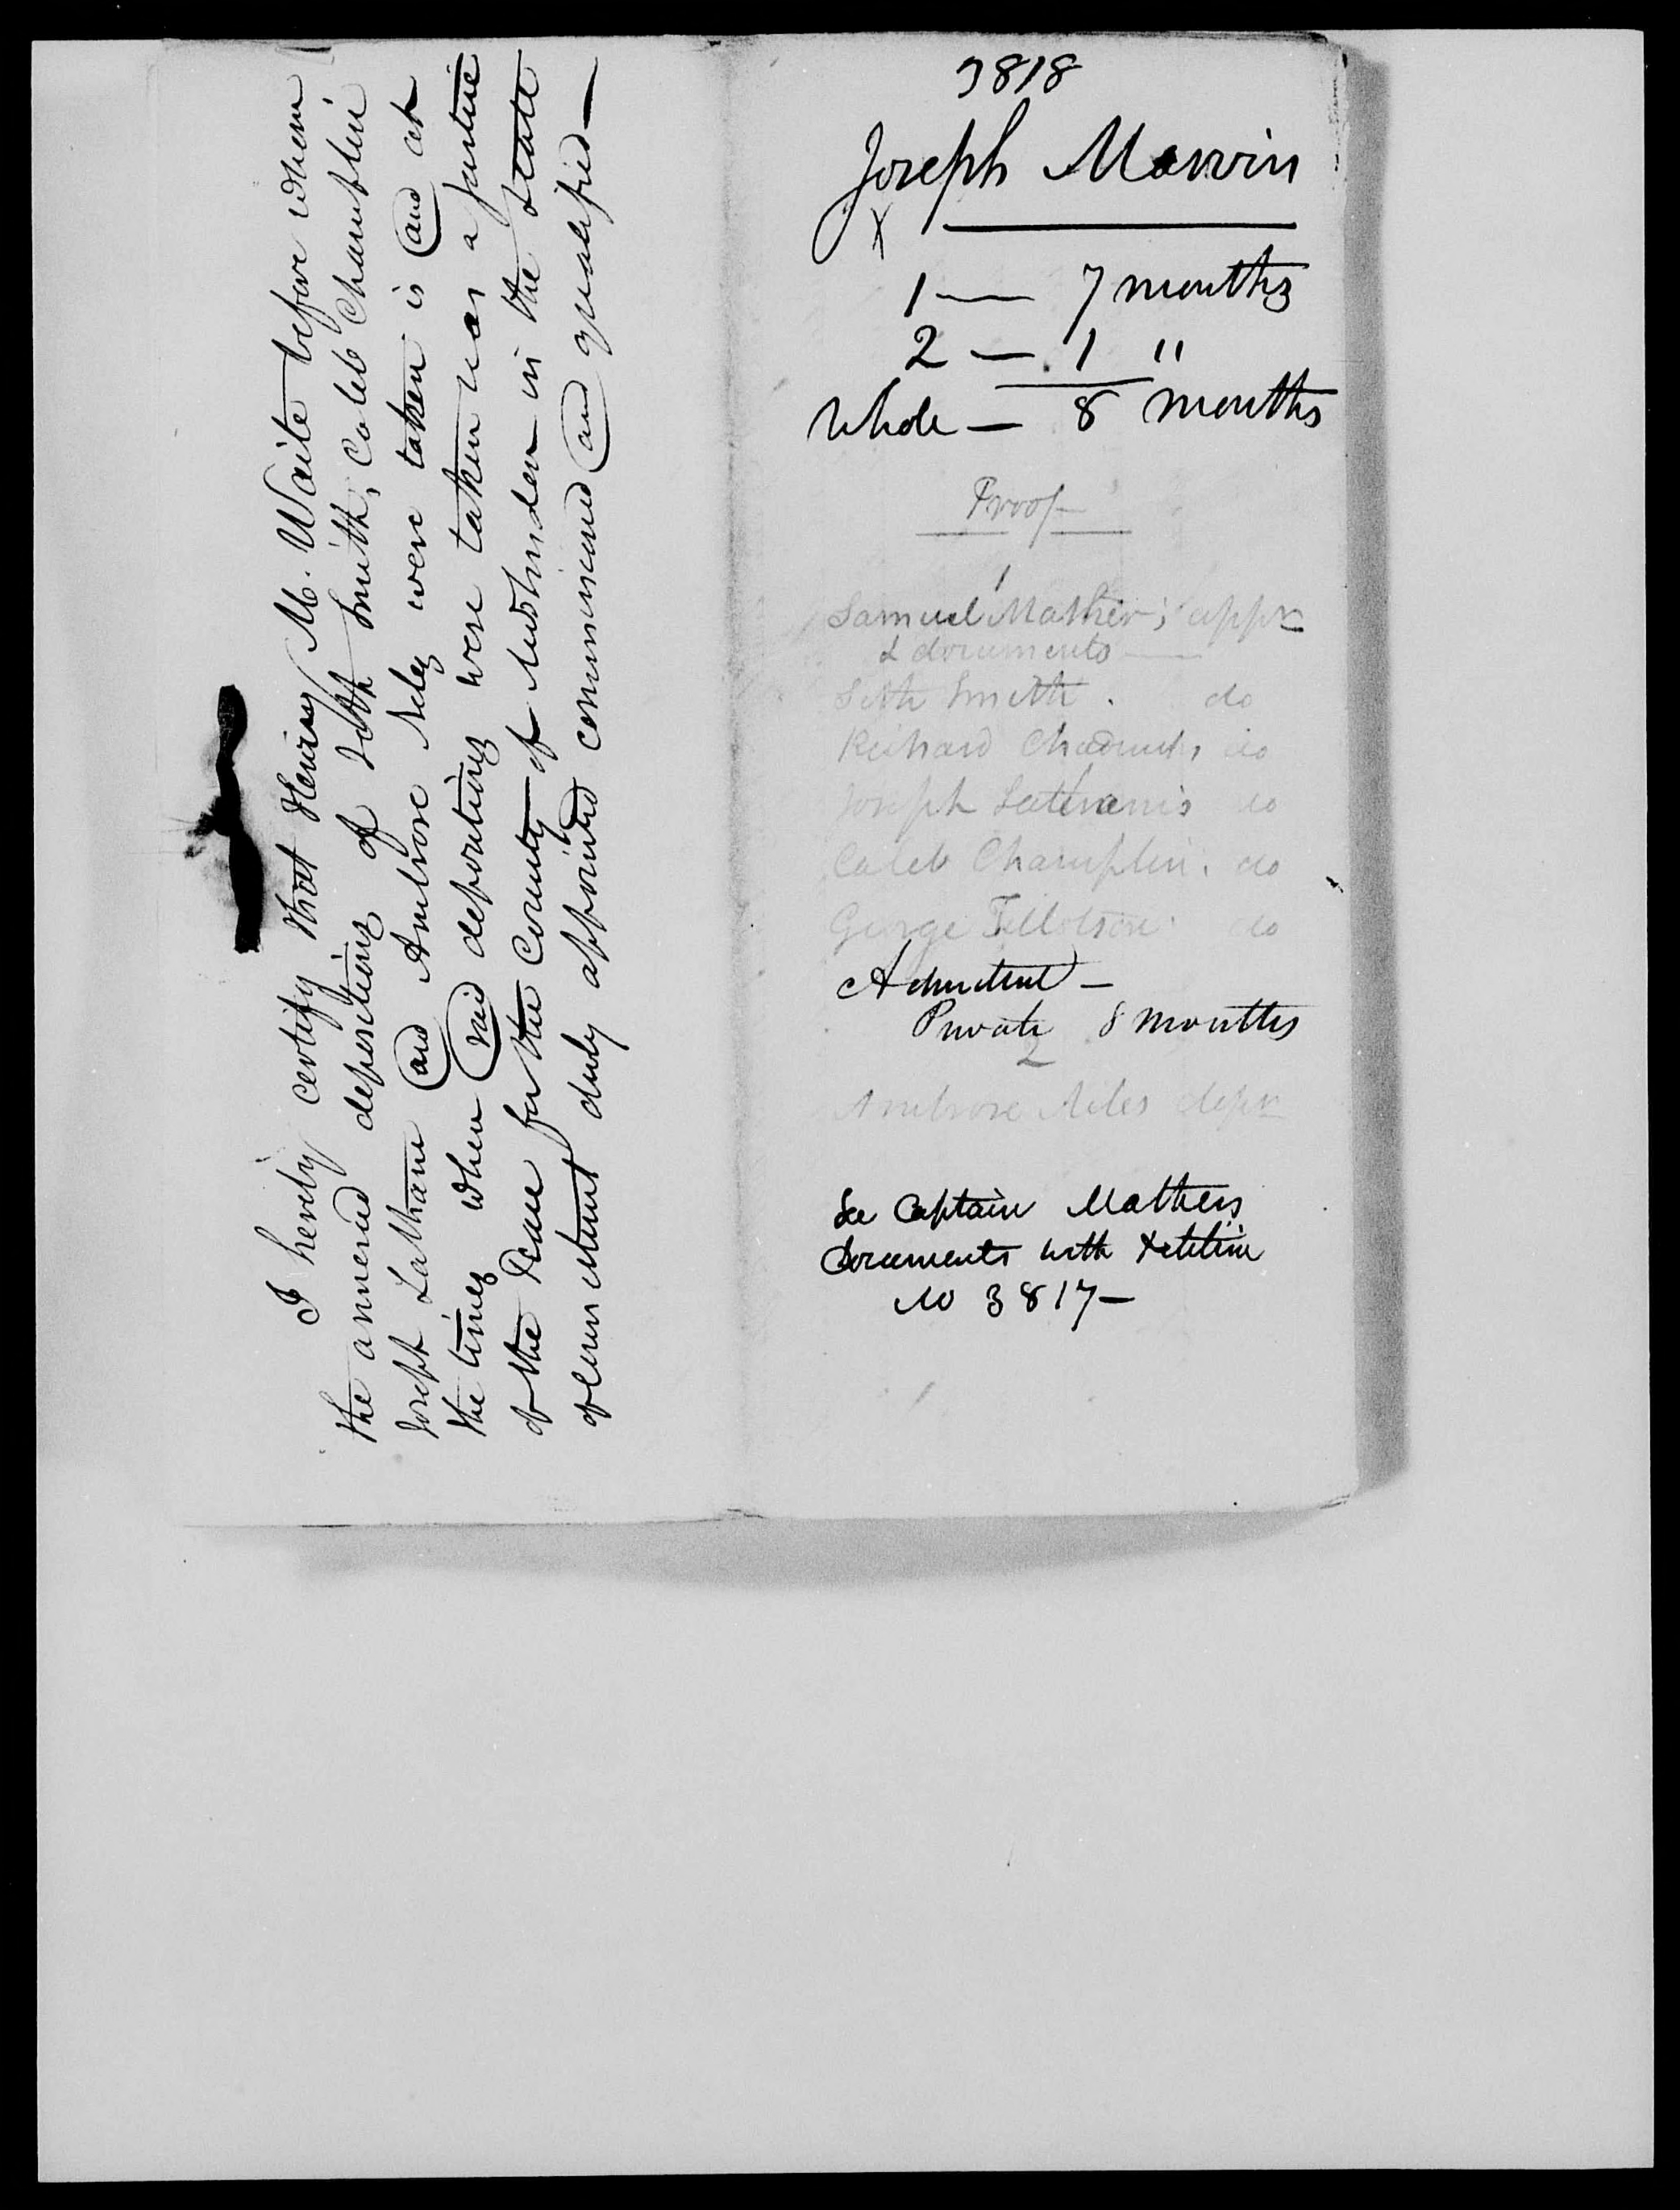I hereby certify that Henry M. Waite before whom the annexed depositions of Seth Smith, Caleb Chamblin, Joseph Latham, and Ambrose Niles were taken is an at the time when said depositions were taken was a Justice of the Peace for the County of New London in the State of Connecticut duly appointed commissioned and qualified.
3818 
Joseph Marvin
1 – 7 months
2 – 1 month
whole-- 8 months 
Proof 
1 Samuel Mather depn & documents
Seth Smith depn
Richard Chadwick depn
Joseph Latham depn
Caleb Champlin depn
George Tillotson depn
Admitted
Private 8 months
Ambrose Niles depn.
See Captain Mathers 
Documents with petition no 3817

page: 17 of 20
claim: survivor's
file: S. 15,516, for Joseph Marvin, Connecticut